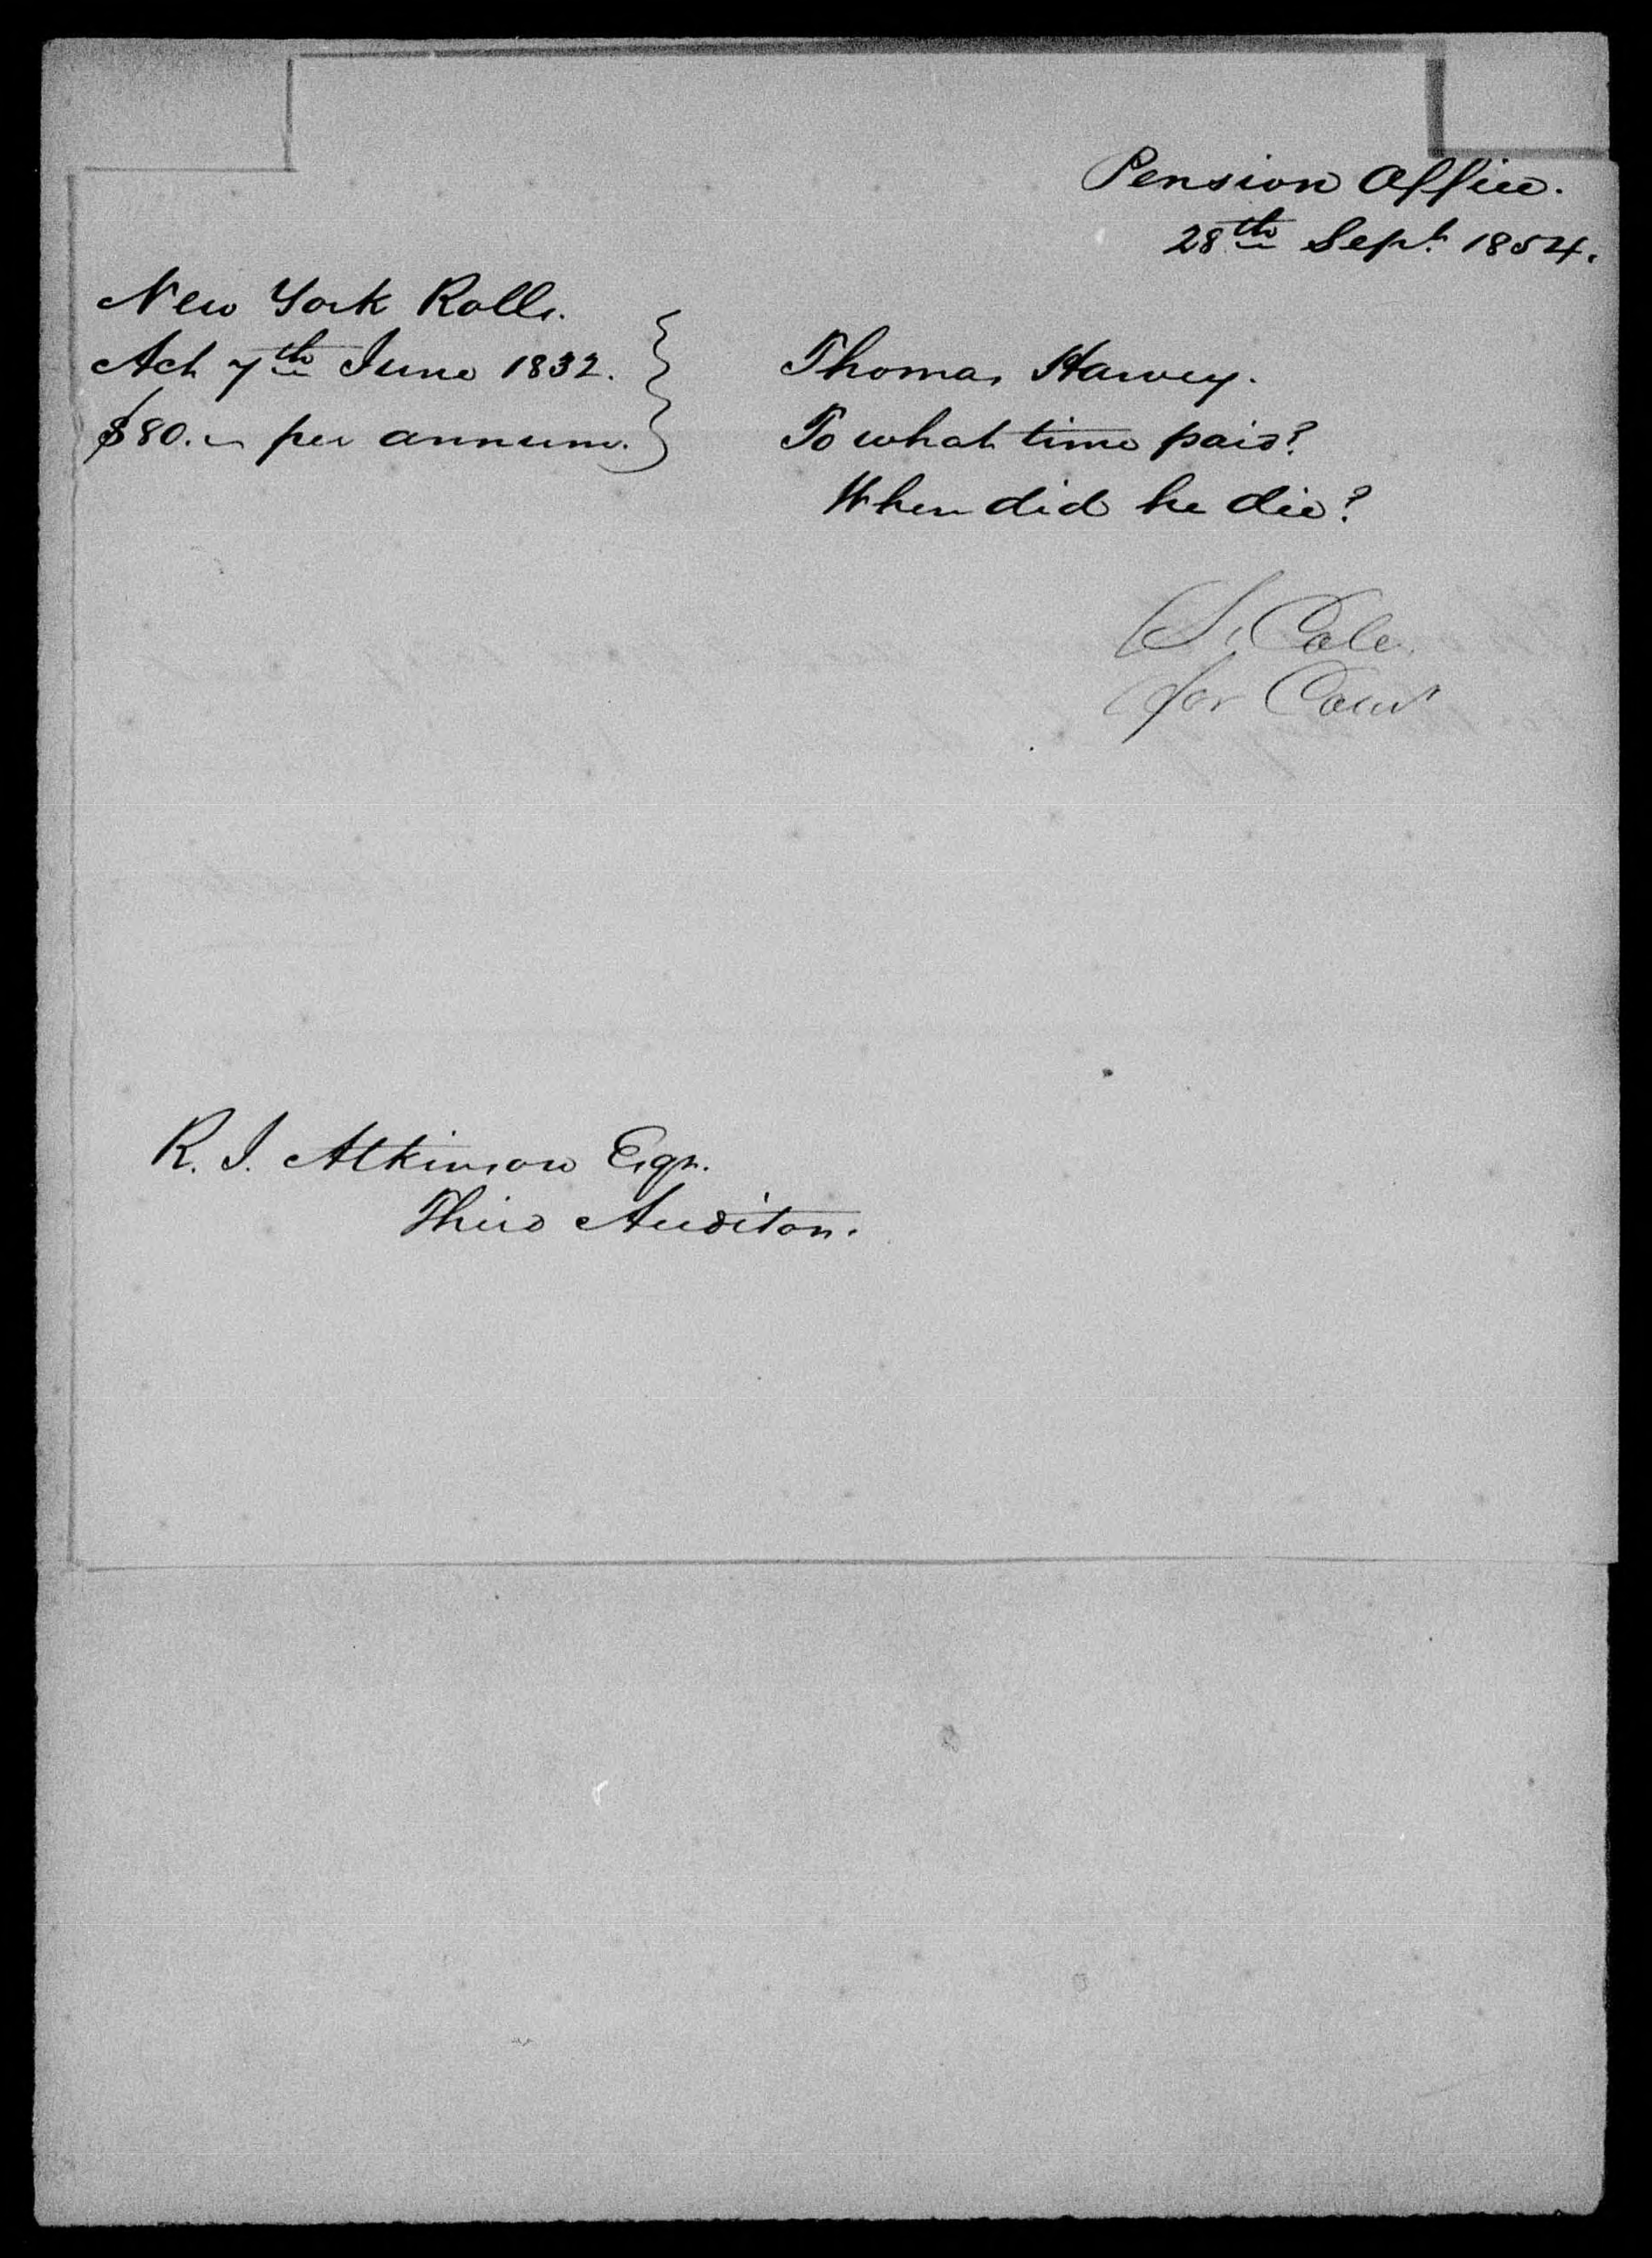Pension Office. 
28th Sept. 1854. 
New York Rolls
Act 7th June 1832
$80. per annum.} Thomas Harvey. To what time paid? When did he die?
/s/S. Cole for Court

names: S Cole, Thomas Harvey, R J Atkinson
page: 40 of 80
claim: survivor's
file: S. 18008, Thomas Harvey, N.H.